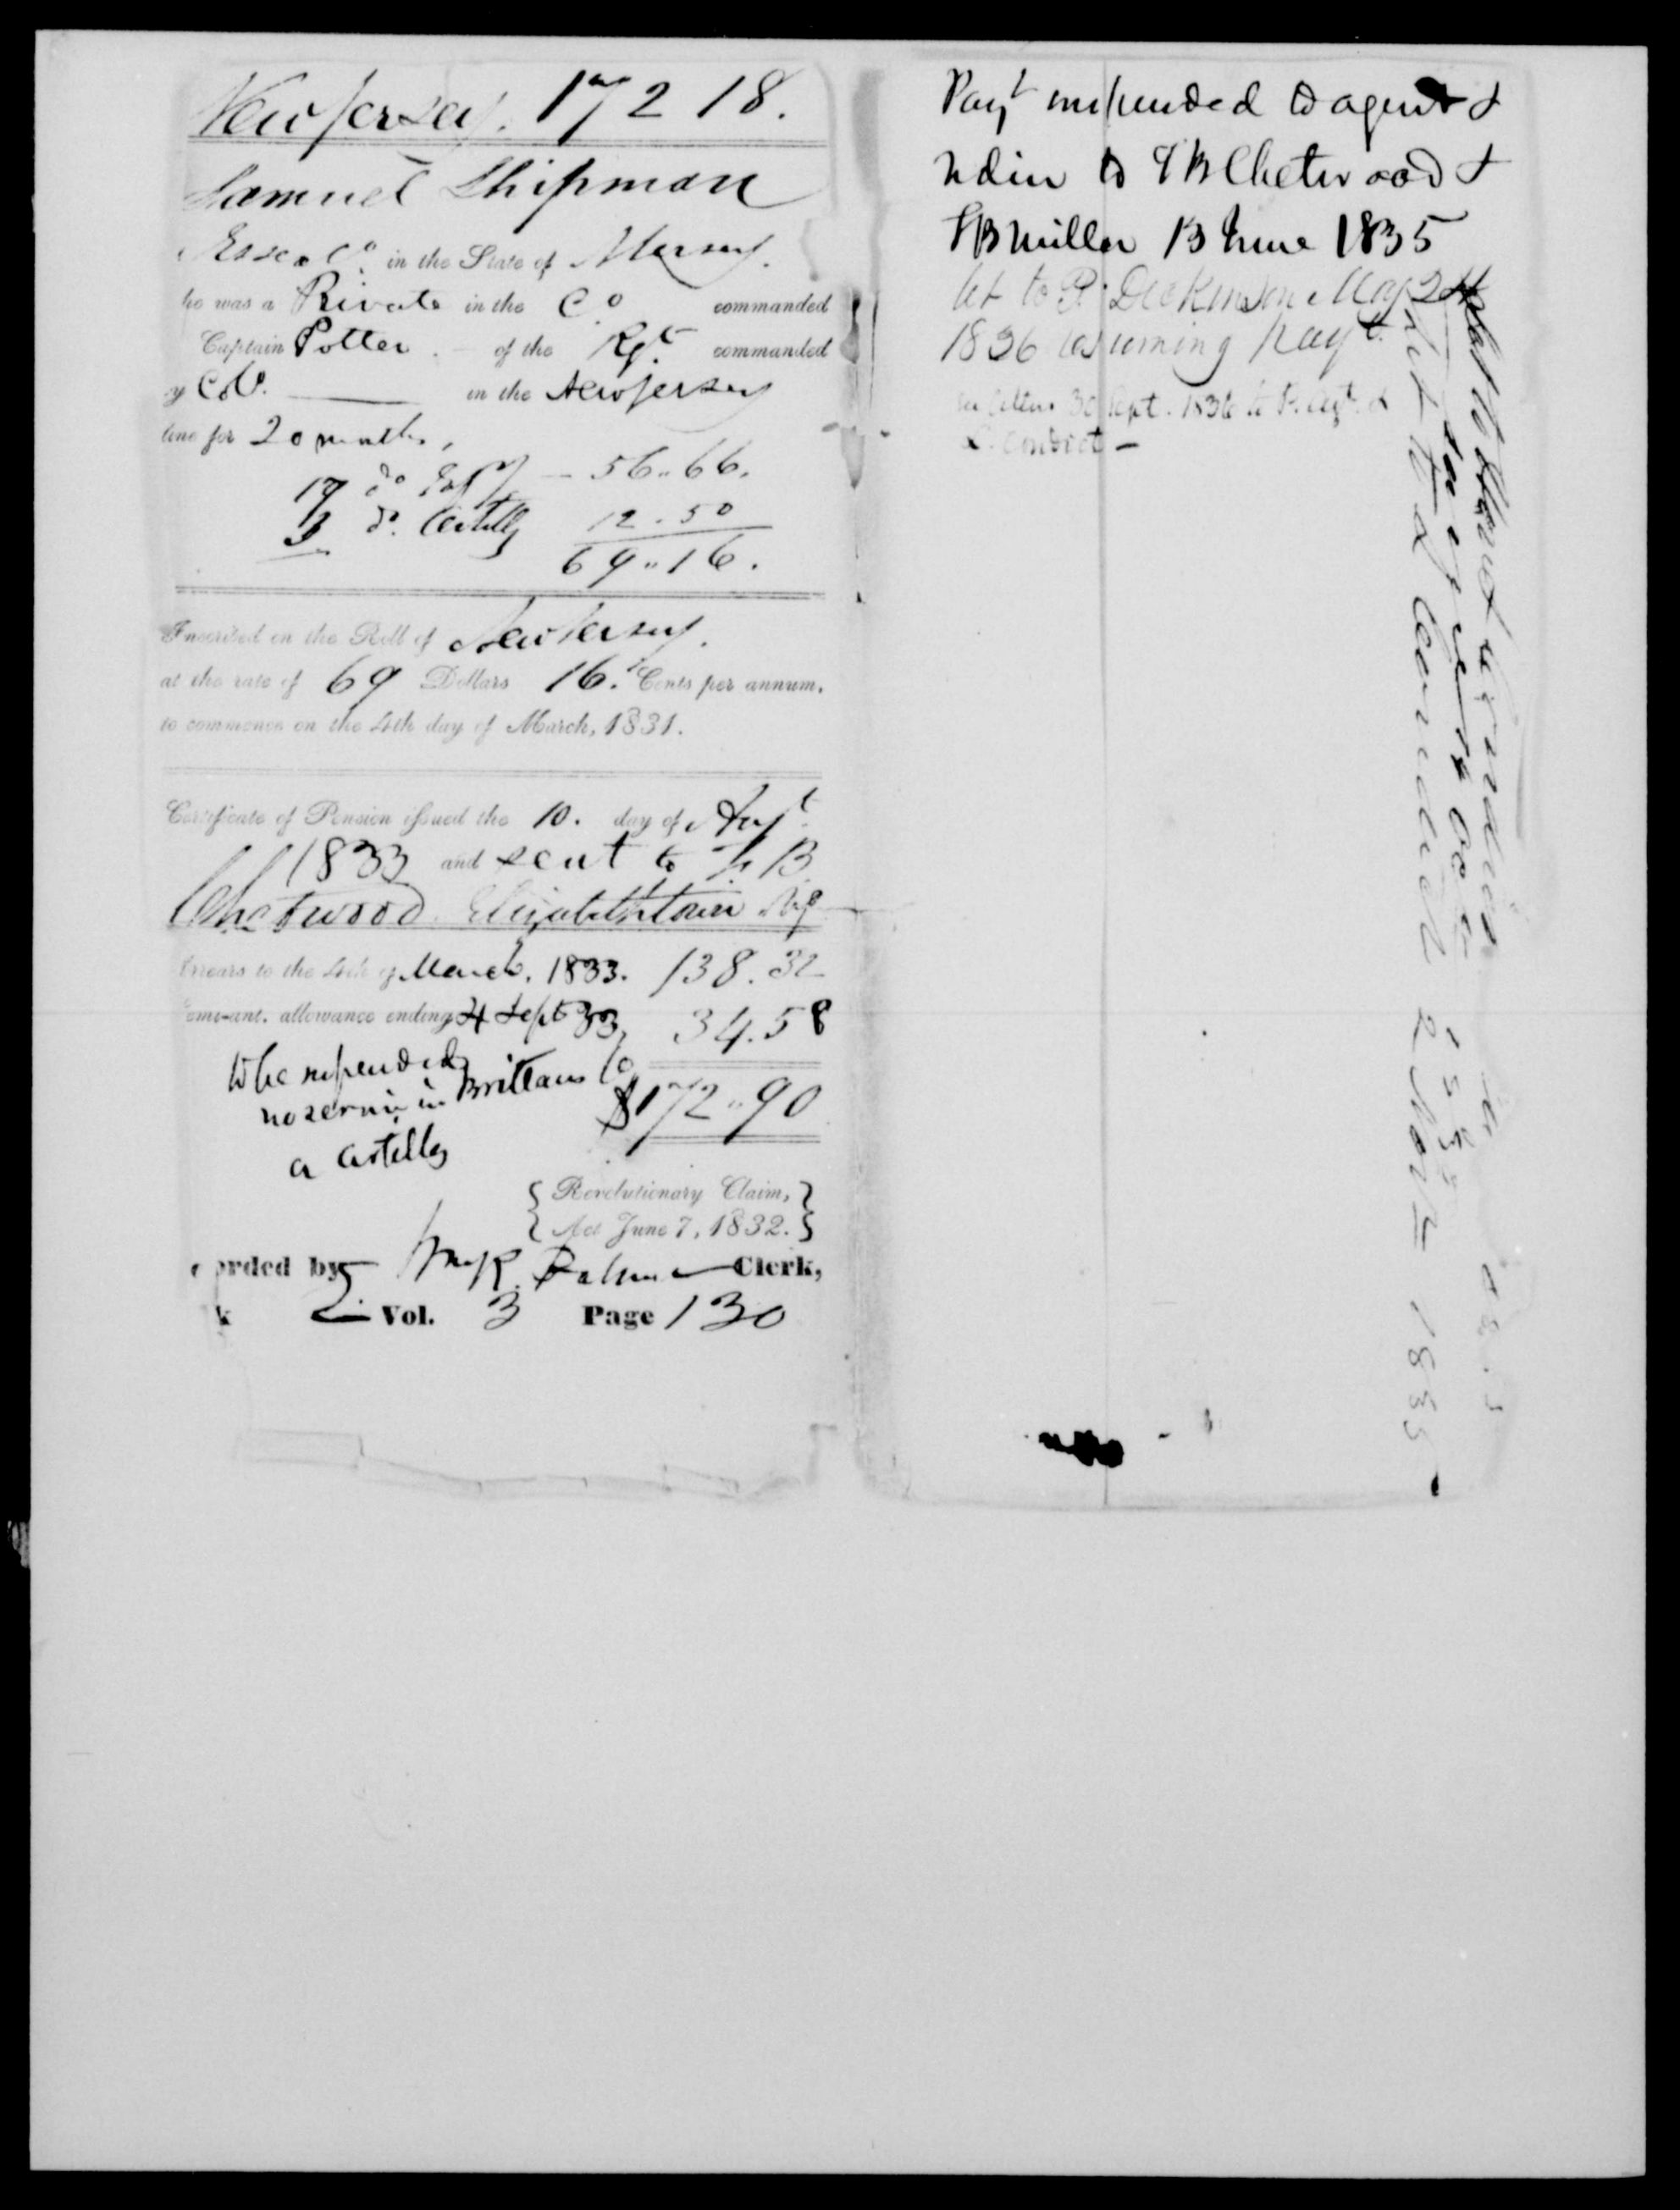New Jersey. 17218.
Samuel Shipman
Enrolled in the State of NJersey. he was a Private in the Co commanded by Captain Potter of the Rgt. commanded by Col. _________ [left blank] in the New Jersey line for 20 months.
  17 Jo [illeg]   56.66
     3 Jo [illeg12.50
                        ________
                        69.126.
Inscribed on the roll of New Jersey at the rate of 69 Dollars 16.Cents per annum to commence on the 4th day of March, 1831.
____________________________-
Certificate of Pension issued the 10. day of 
Augt. 1833 and sent to F. B. Chetwood Elizabethtown NJ
_________________________
Arrears to the 4th of March, 1833    138.32
semi-anl. allowance ending 4 Sept 33     34.58
                                                       __________
                                                      $172.90

who refended no service in Brittains artilley
{Revolutionary Claim, Act June 7, 1832}
Recorded by Wm R. Palmer Clerk, Vol. 3 Page 130

payt [illeg]hundred to agent + ndin to F B Chetwood and J B Miller 13 June 1835 
let to P. Dickinson May 24 1836 resuming
[illeg] 30 Sept. 1836  payt. to [illeg] L. Condict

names: Wm R Palmer; L B Miller; L Condict; F B Chetwood; Samuel Shipman; F B Chetwood; L Condict; P Dickinson; [BLANK] Potter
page: 2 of 44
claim: survivor's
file: S. 912, for Samuel Shipman, New Jersey